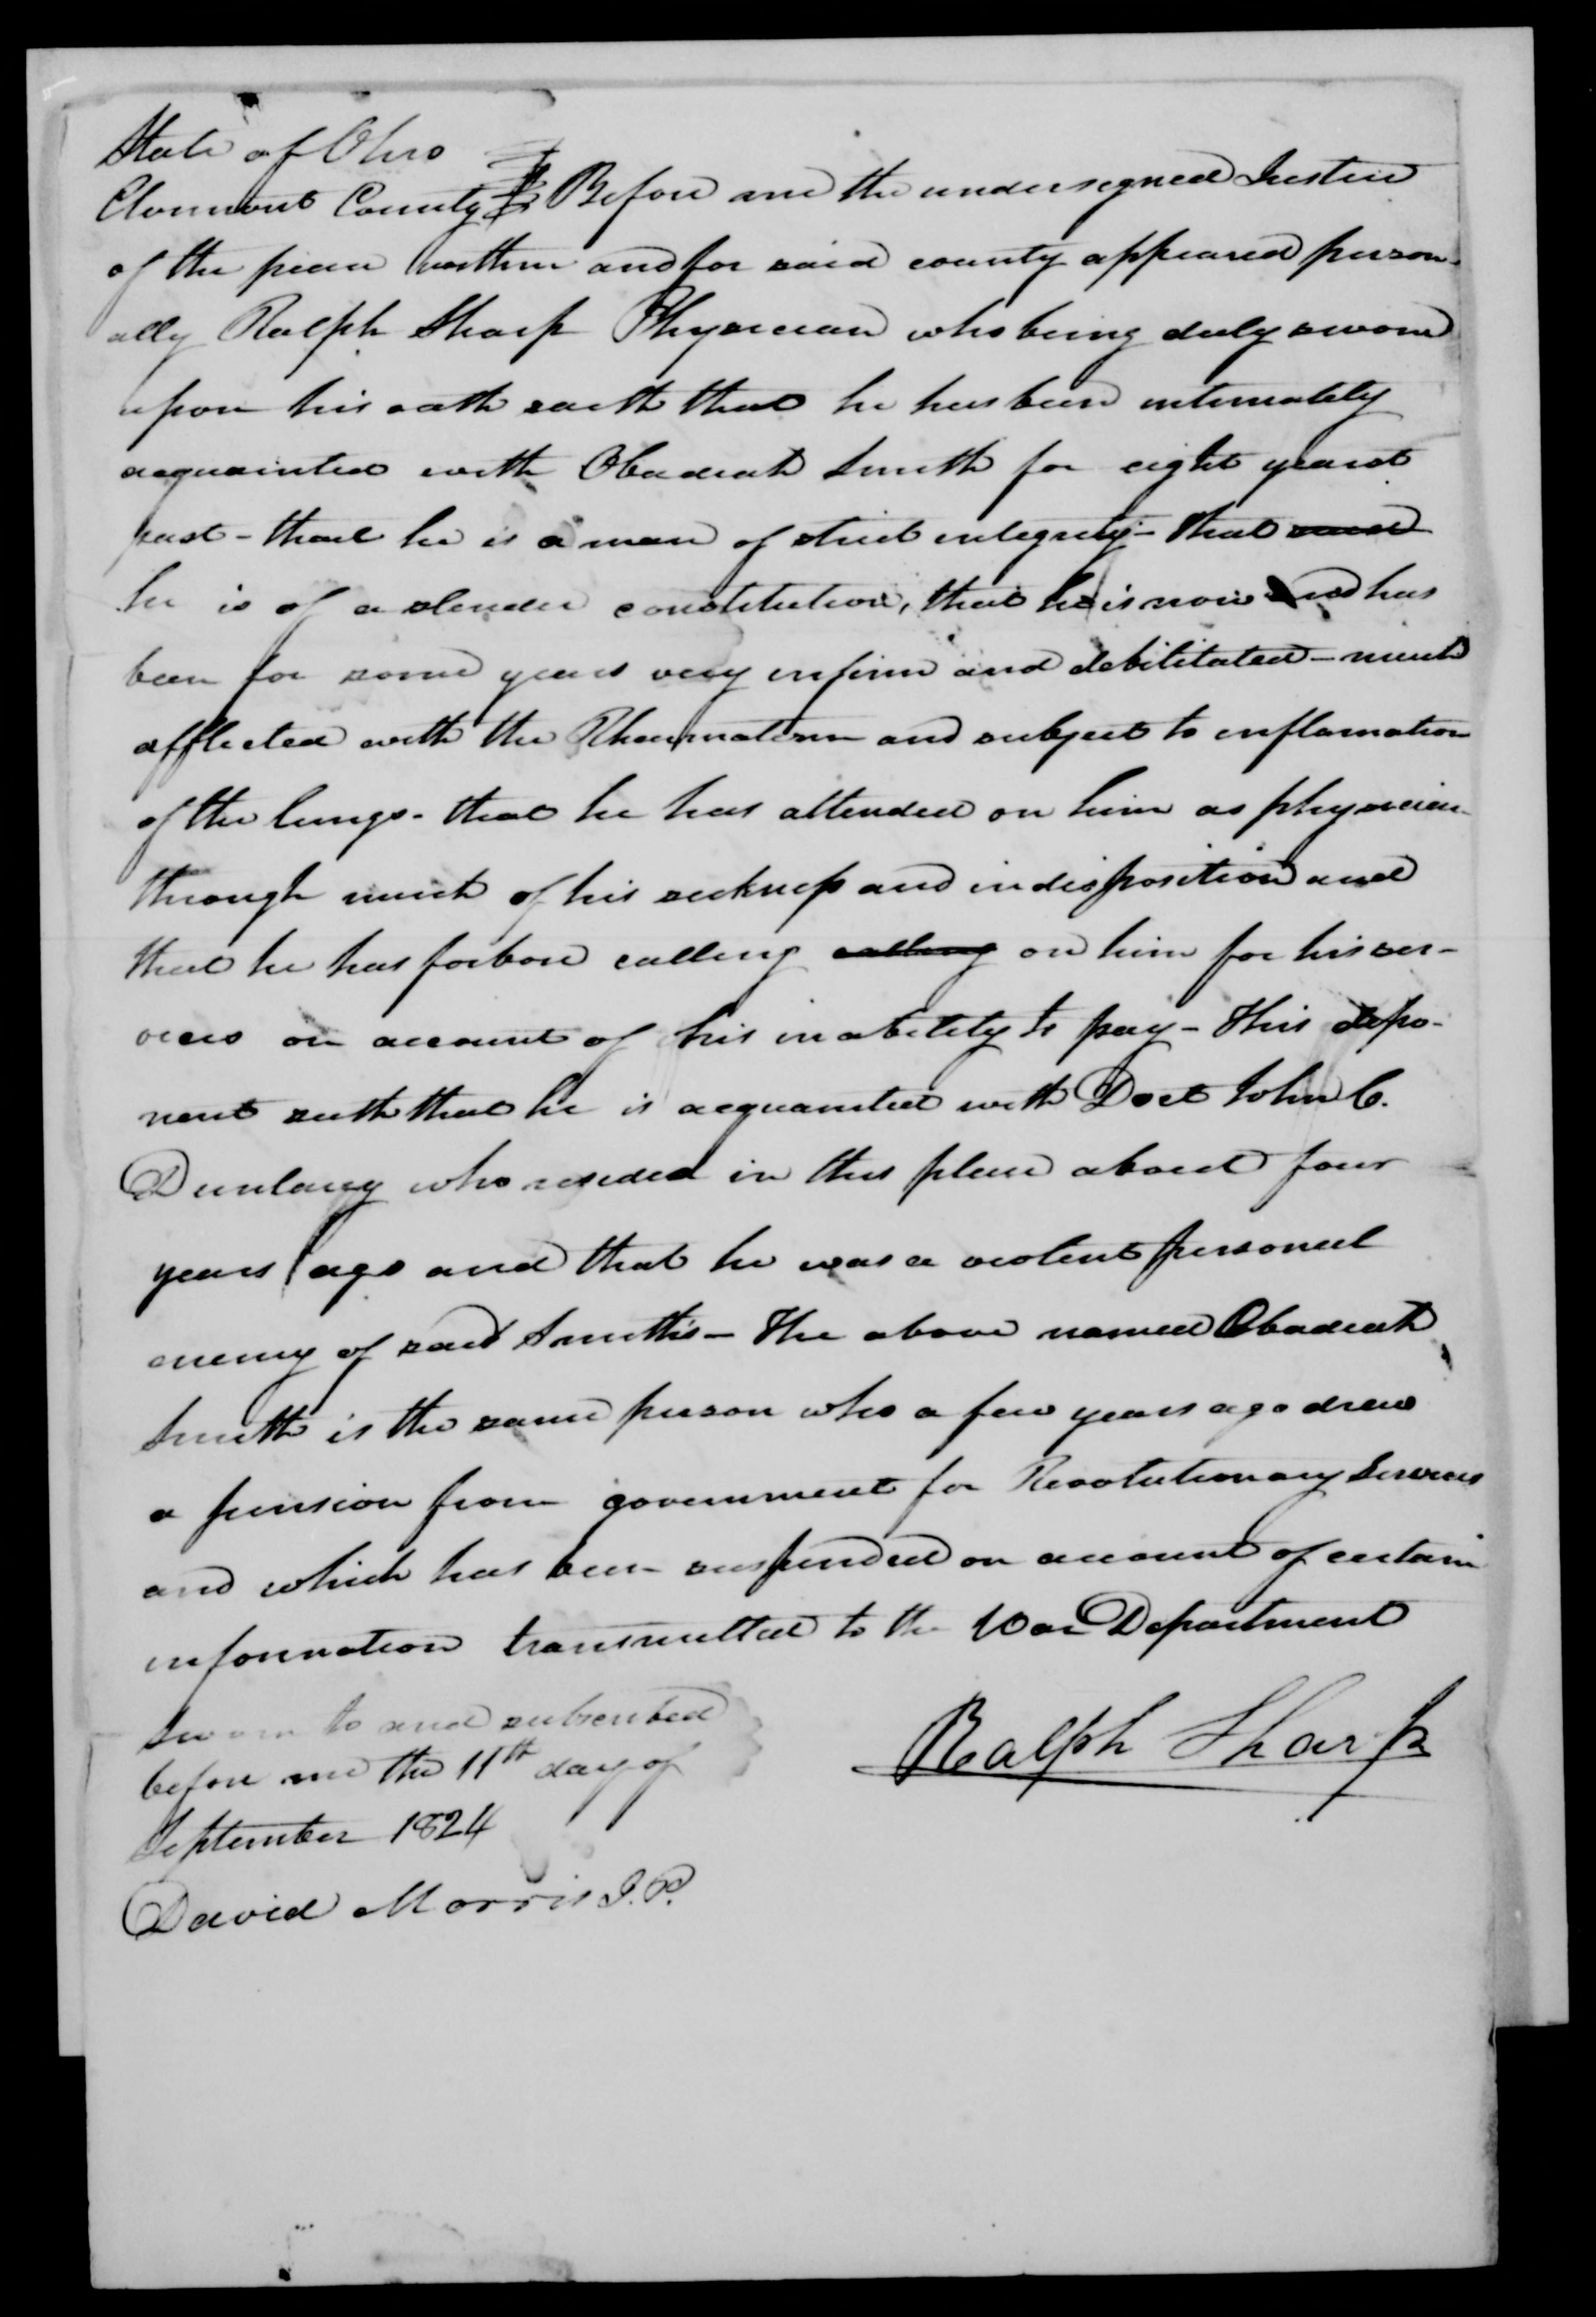State of Ohio Clermont County } Before me the undersigned Justice of the Peace within and for said county appeared personally Ralph Sharp Physician who being duly sworn upon his oath saith that he has been intimately acquainted with Obadiah Smith for eight years past- that he is a man of strict integrity- that [crossed out word] he is of a tender constitution, that he is now and has been for some years very infirm and debilitated- much afflicted with the Rheumatism and subject to inflammation of the lungs. that he has attended on him as physician through much of his sickness and indisposition and that he had forbore calling [crossed out word] on him for his services on account of his inability to pay- This deponent saith that he is acquainted with Doct John C. Dunlavy who resided in this place about four years ago and that he was a violent personal enemy of said Smith's- The above named Obadiah Smith is the same person who a few years ago drew a pension from government for Revolutionary Service and which has been suspended on account of certain information transmitted to the War Department [signature:] Ralph Sharp 
Sworn to and subscribed before me the 11th day of September 1824 [signature:] David Morris J. P.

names: [BLANK] Smith; Obadiah Smith; David Morris; Ralph Sharp; John C Dunlavy; Obadiah Smith; Ralph Sharp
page: 50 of 66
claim: survivor's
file: S 40458, for Obadiah Smith, New York